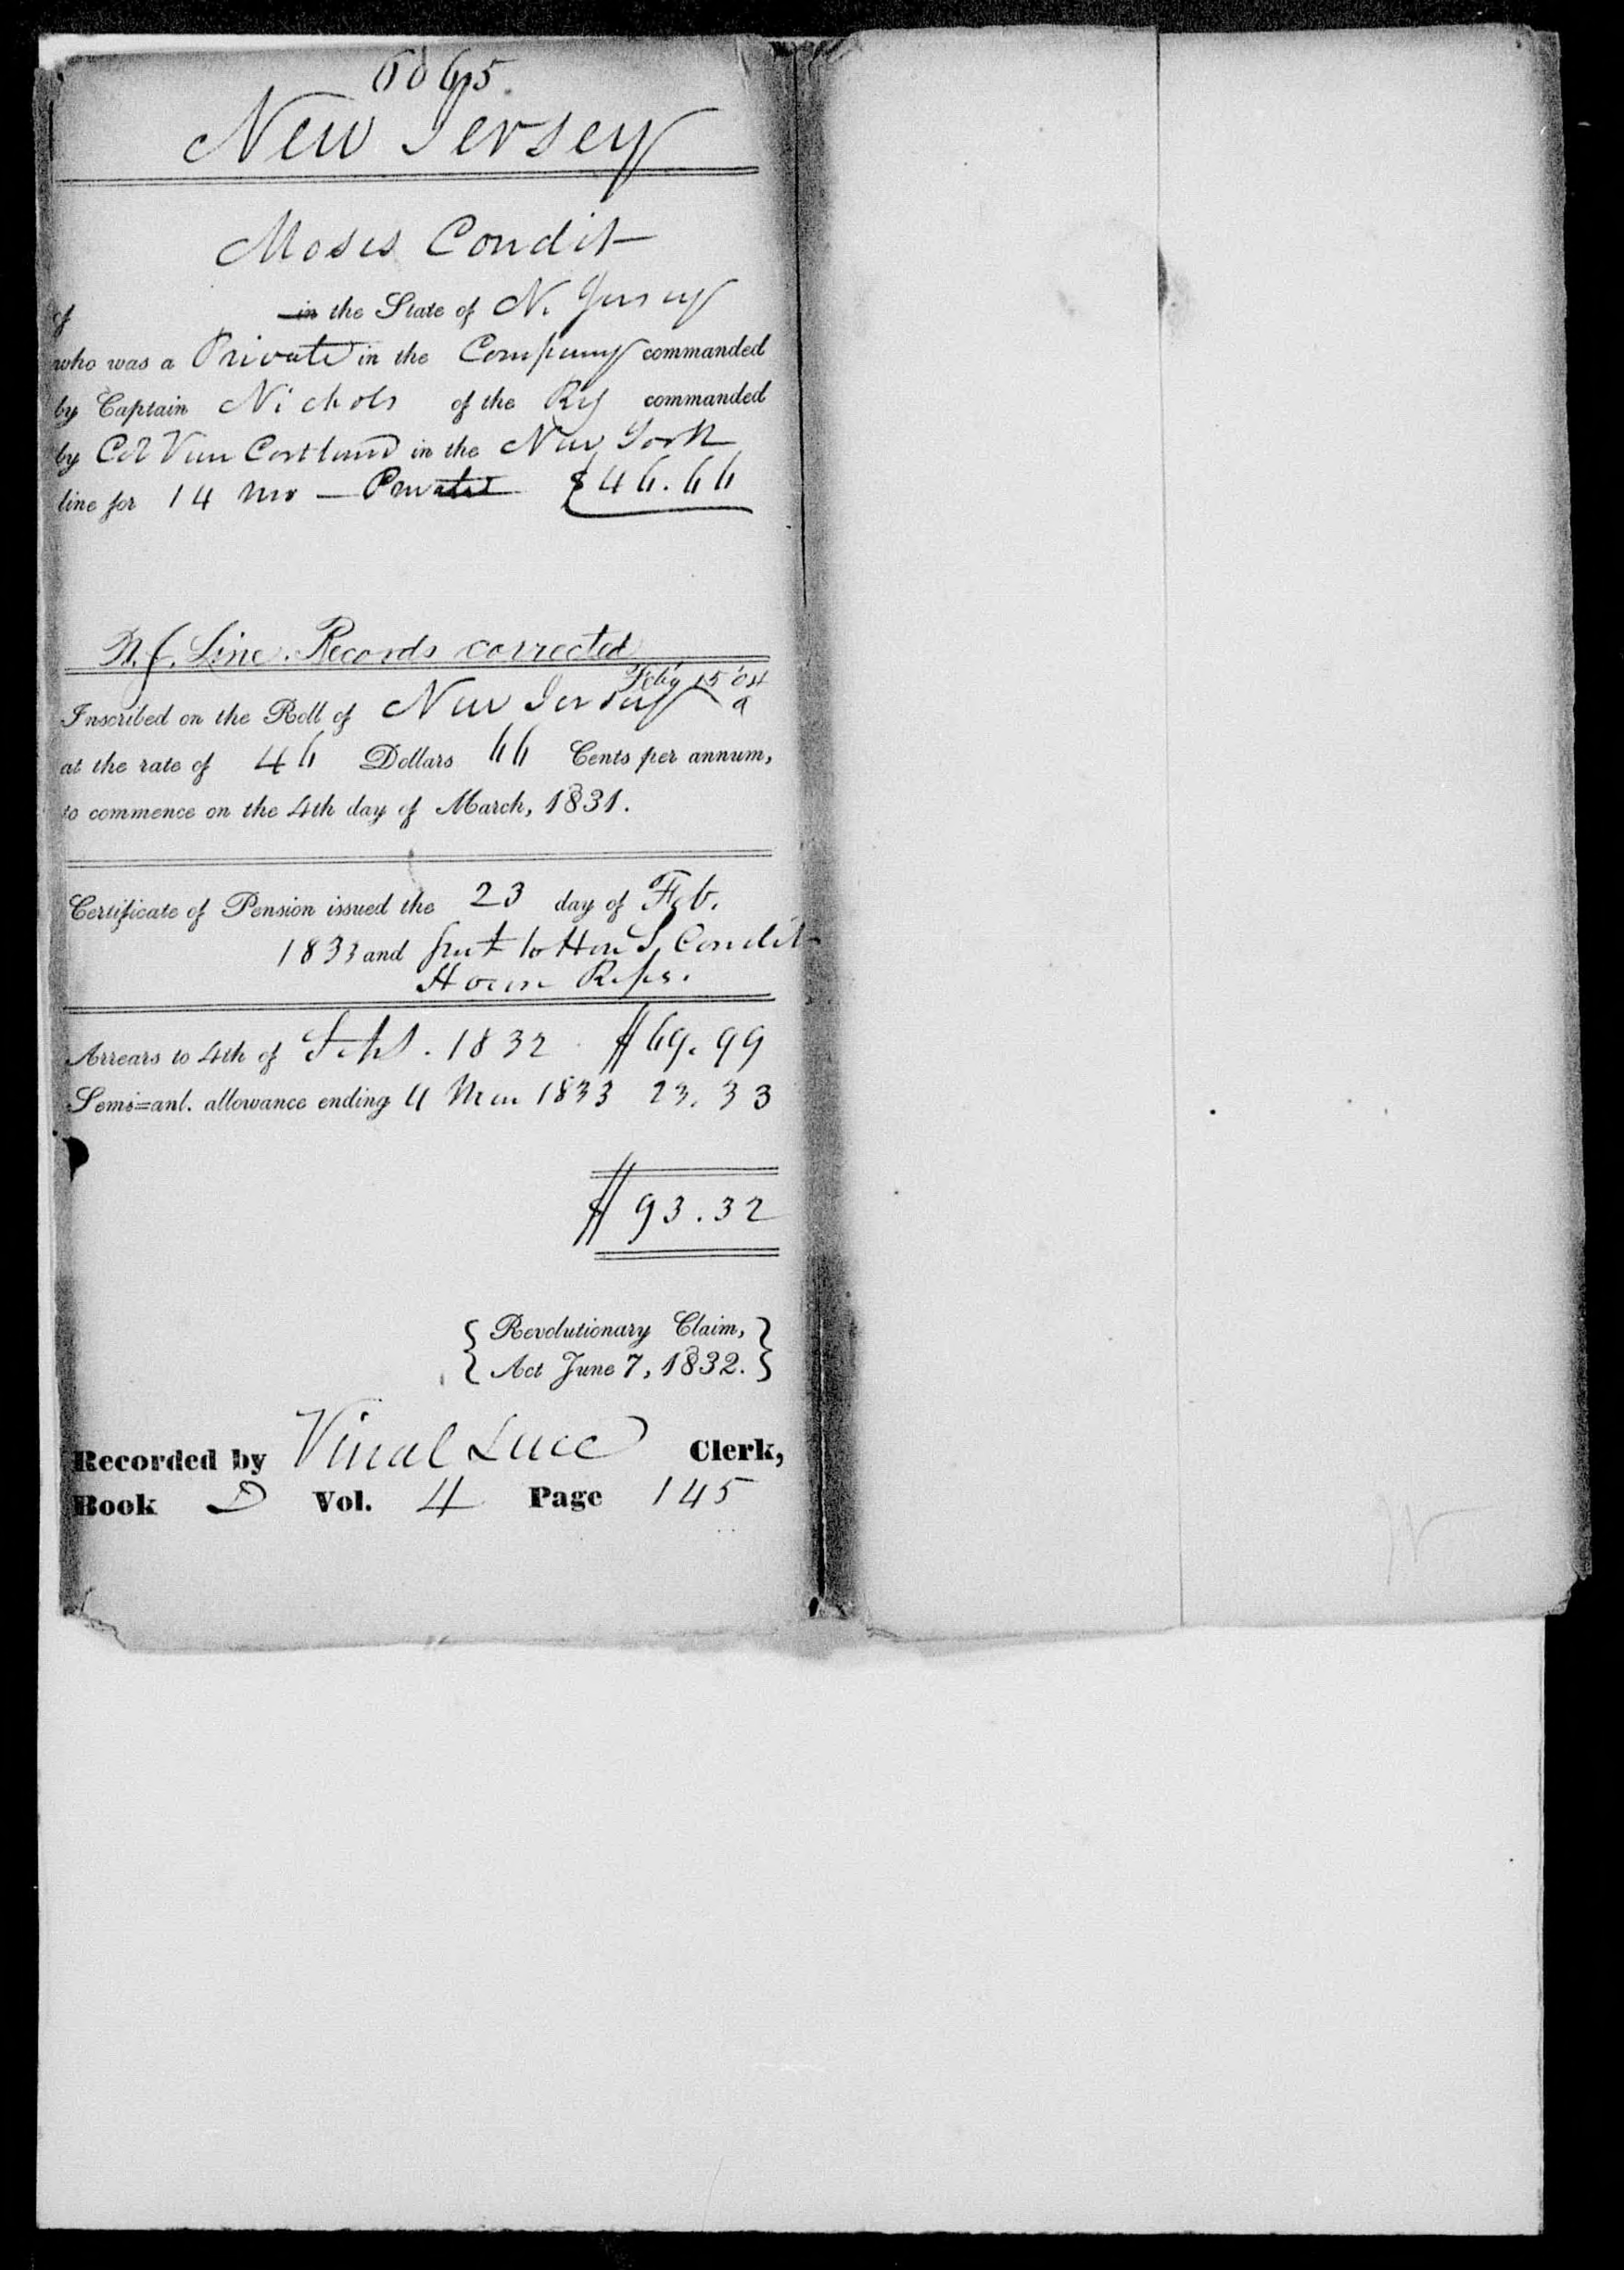[illegible]65
New Jersey

Moses Condit
in the State of N. Jersey
who was a Private in the Company commanded by Captain Nichols of the RY commanded by CR Van Cortland in the New York line for 14 mo. Private $46.66 (underlined)

N.J. Line Records corrected
Feb'y 15 '04
Inscribed on the Roll of New Jersey [illegible] at the rate of 46 Dollars 66 Cents per annum,
to commence on the 4th day of March, 1831.

Certificate of Pension issued the 23 day of Feb. 1833 and sent to Hon. S Condit
House Reps.

Arrears to 4th of Sept 1832. $69.99 Semi-anl. allowance ending 4 Mar 1833 23. 33

$93.32

{Revolutionary Claim,
Act June 7, 1832.}

Recorded by Vinal Luce Clerk,
Book D Vol. 4 Page 145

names: Moses Condit, Van Cortland, S Condit, Nichols, Vinal Luce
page: 2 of 23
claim: survivor's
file: S. 3212, Moses Condit, New Jersey